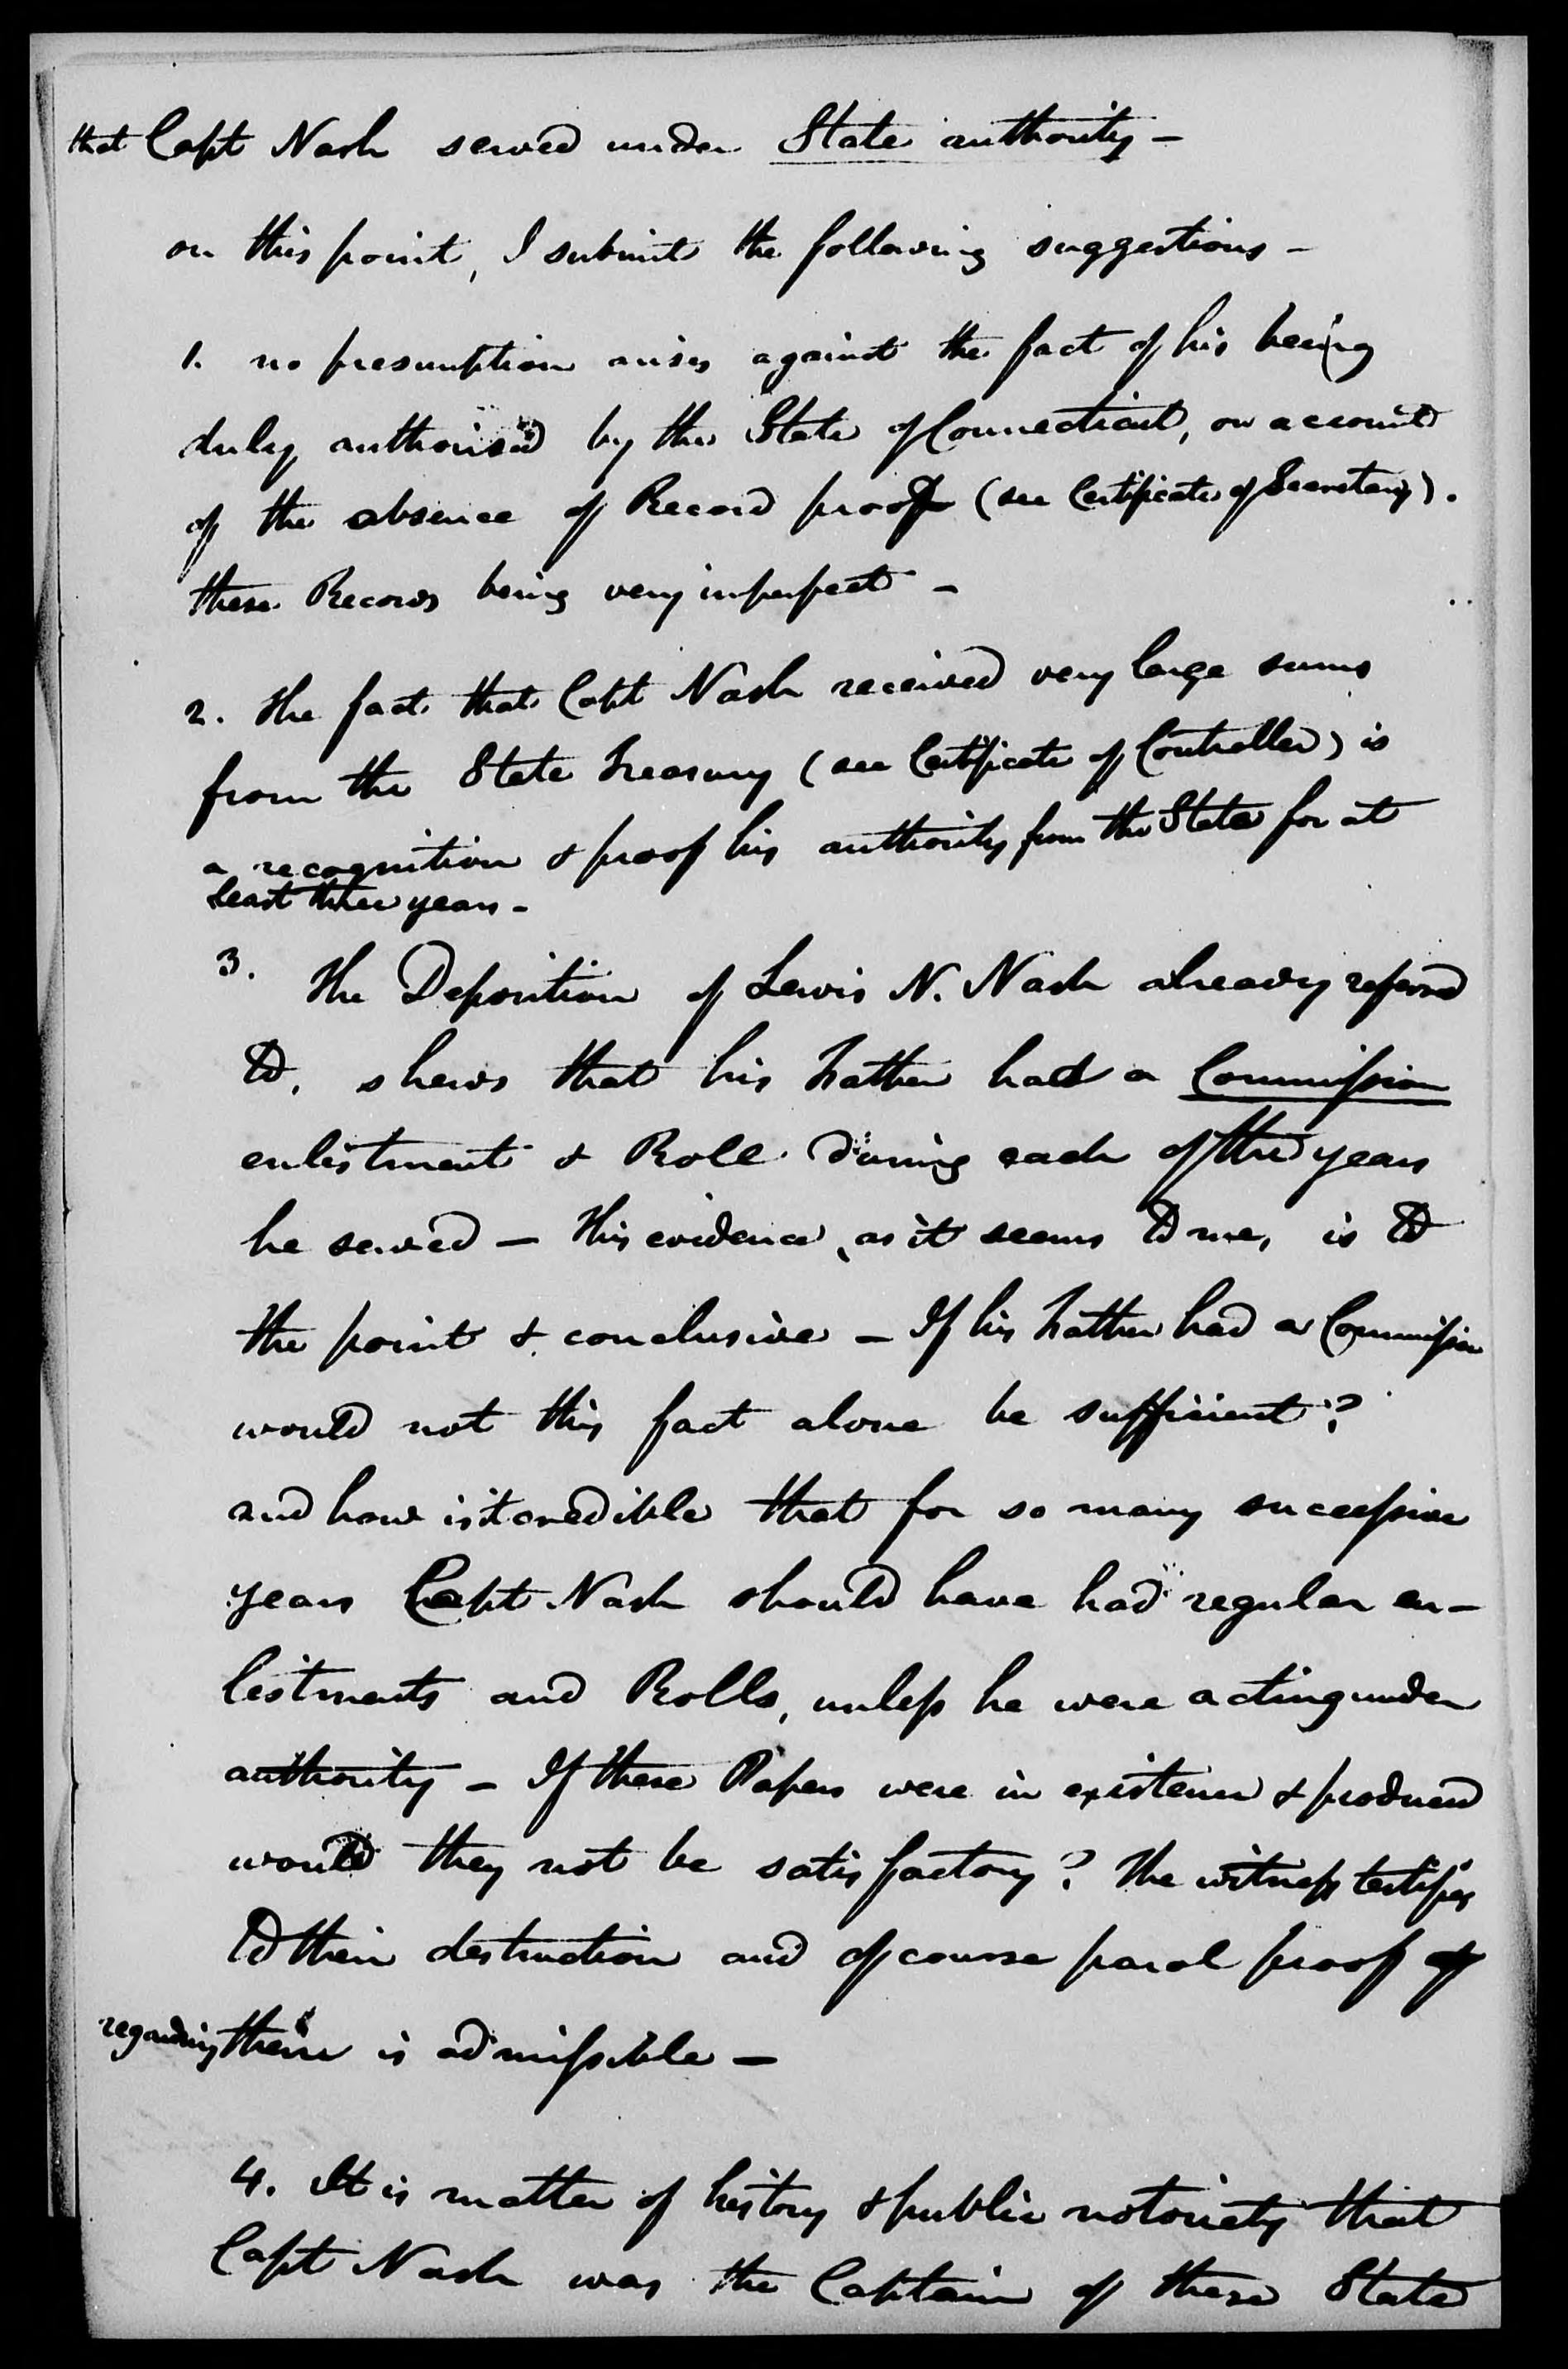that Capt Nash served under State authority-on this point, I submit the following suggestions-
1. no presumption was against the fact of his being duly authorized by the State of Connecticut, or account of the absence of Record proof (see Certificate of Secretary) these record being very imperfect.
2. the fat that Capt Nash received very large sums from the State Treasury (see Certificate of Controller) isa recognition & proof his authority from the State for at least three years.
3. The Deposition of Lewis N Nash already referred to , shows that his father had a commission enlistment & Roll during each of the years he served- this evidence, as it seems to me, is to the point & conclusive-If his father had a commission would not this fact above be sufficient? and how is not credible that for so many [unk] years Capt Nash should have had regular enlistments and Rolls, unless he were acting under authority-If these papers were in existence & produced would they not be satisfactory? The writings testify to their destination and of course hard proof & regarding there is admissible.
4. It is matter of history & public notoriety that Cap Nash was the Captain of these State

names: Lewis N Nash, Nash, Nash, Nash, Nash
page: 23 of 69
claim: widow's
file: W. 25562, Abijah Elwood, Conn.